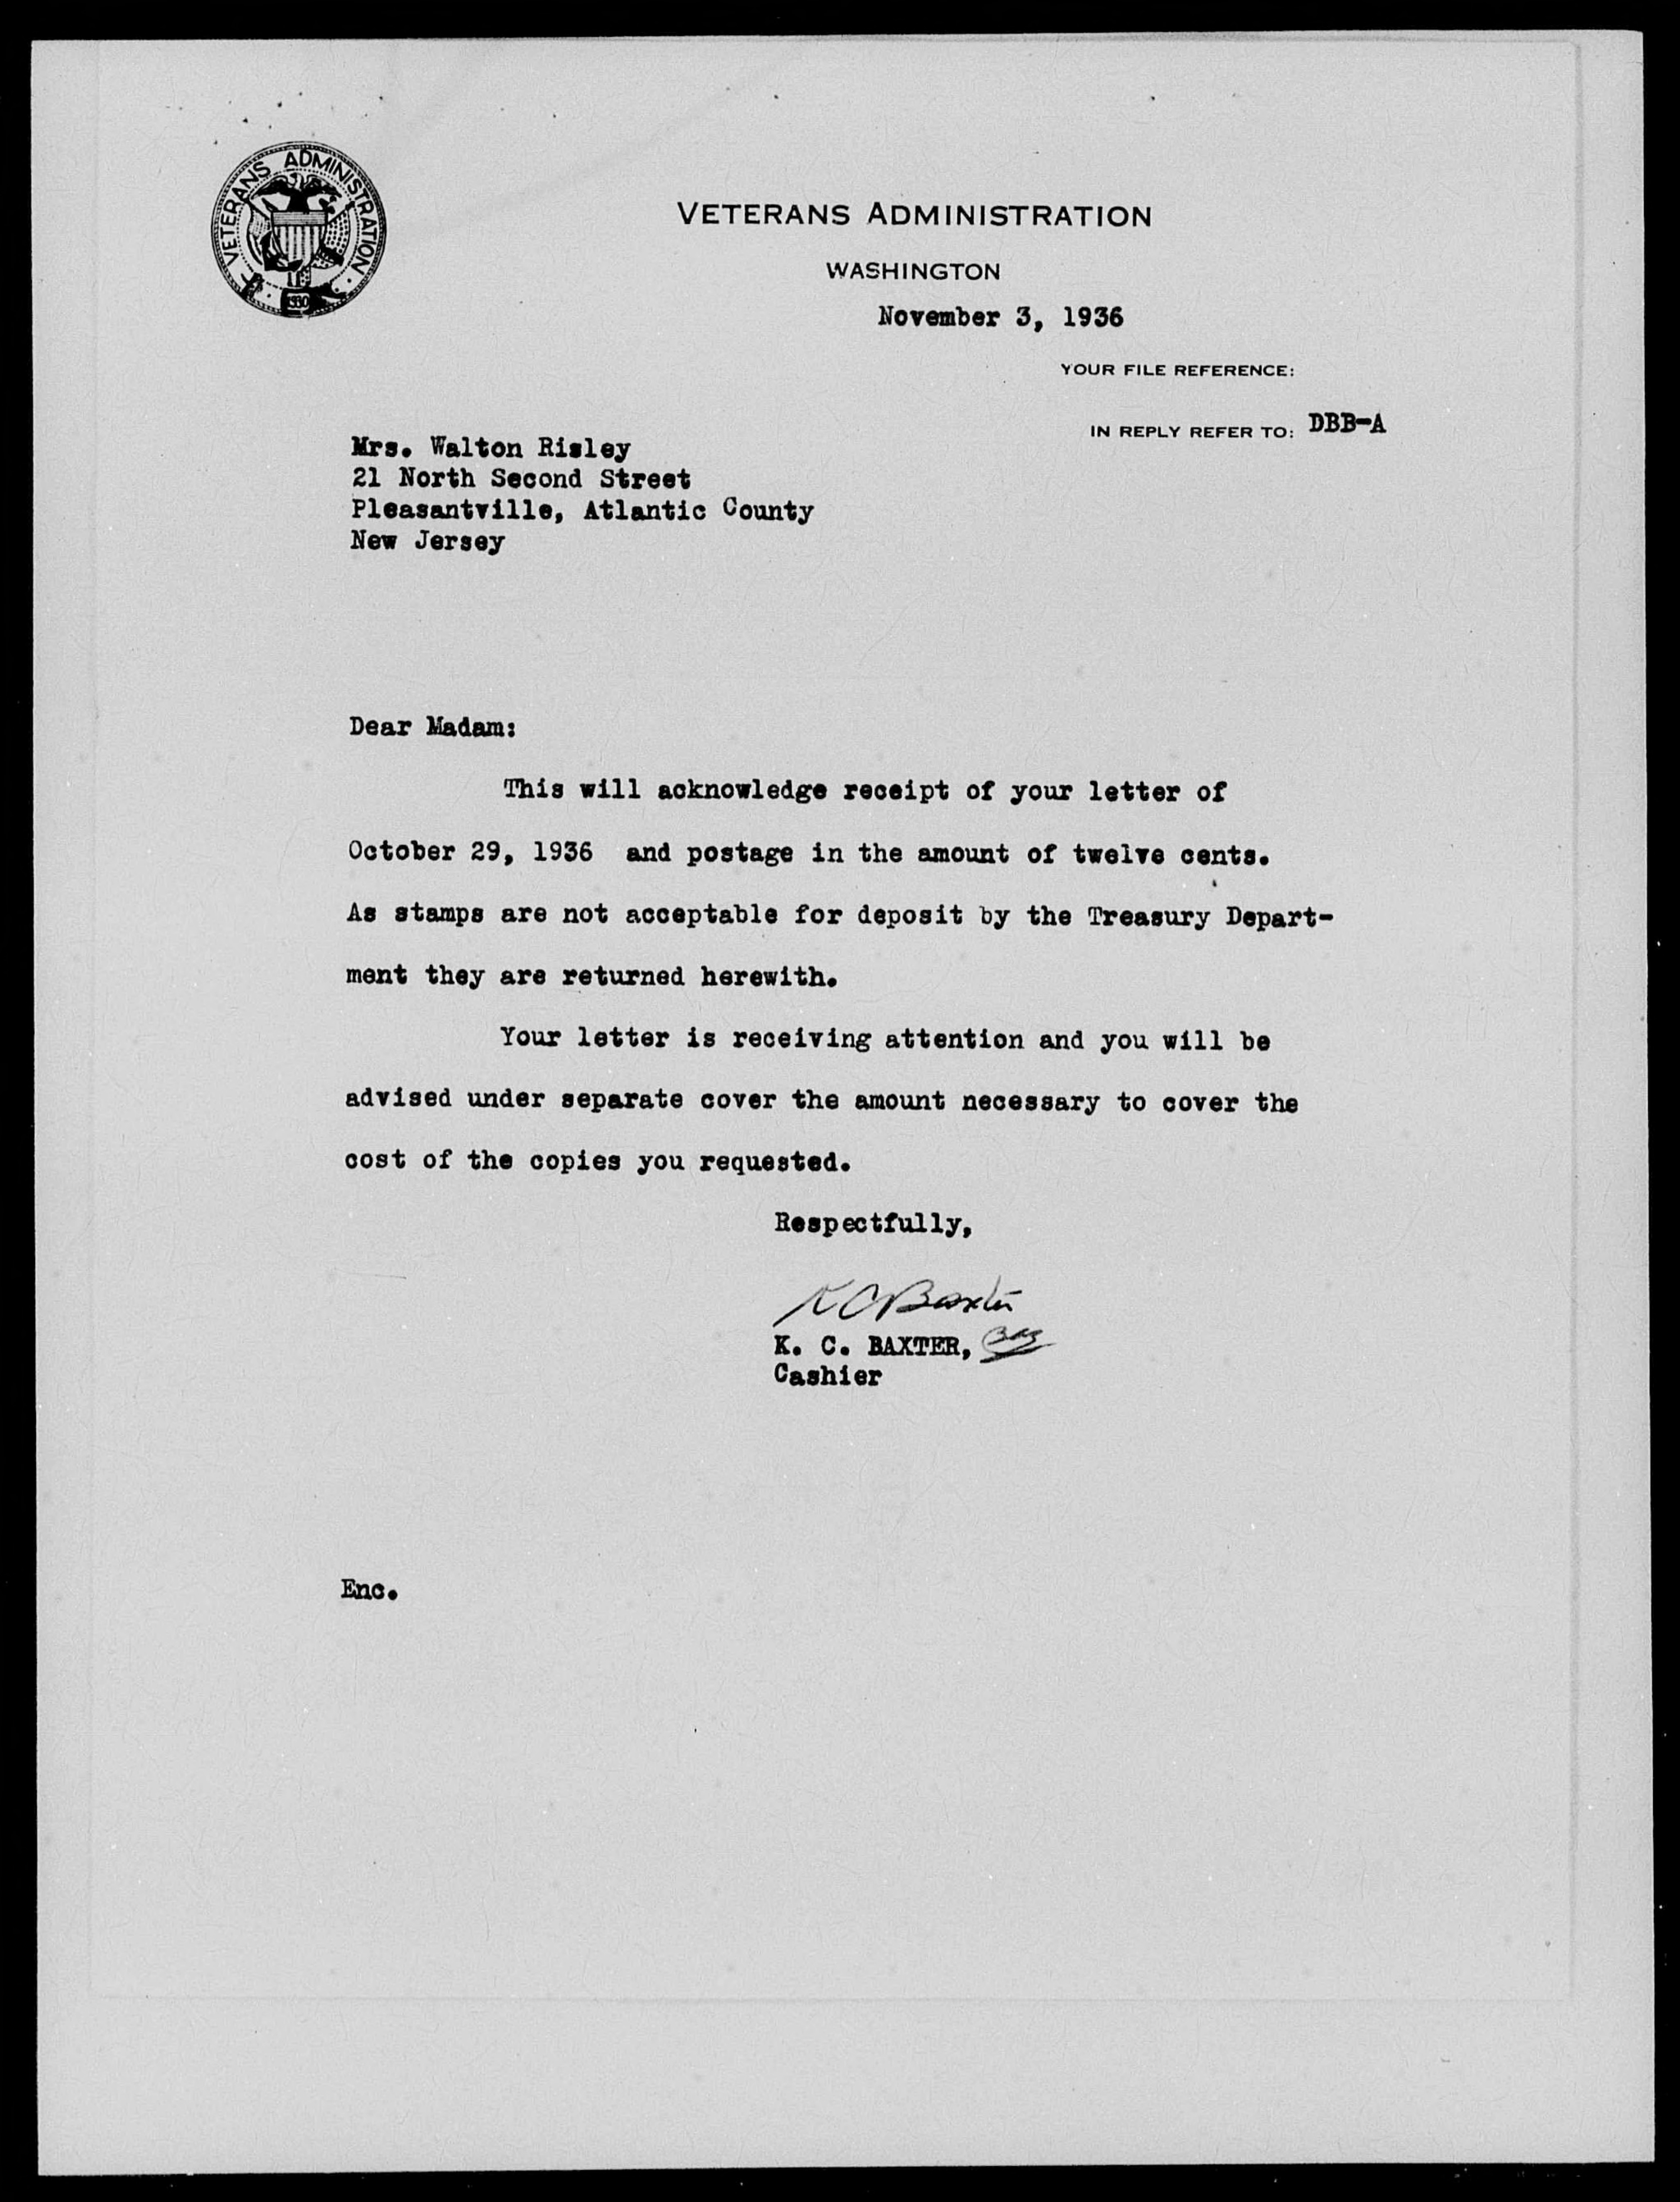[Official stamp]
VETERANS ADMINISTRATION

VETERANS ADMINISTRATION
WASHINGTON
November 3, 1936

YOUR FILE REFERENCE:

IN REPLY REFER TO:  DBB-A

Mrs. Walton Risley
21 North Second Street
Pleasantville, Atlantic County
New Jersey

Dear Madam:

This will acknowledge receipt of your letter of October 29, 1936 and postage in the amount of twelve cents. As stamps are not acceptable for deposit by the Treasury Department they are returned herewith.

Your letter is receiving attention and you will be advised under separate cover the amount necessary to cover the cost of the copies you requested.

Respectfully,
KC Baxter [Signature]
K.C. BAXTER, [Initials illegible]
Cashier

Enc.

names: K C Baxter; Walton Risley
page: 26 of 38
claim: survivor's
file: S 31817, for James Leeds, New Jersey